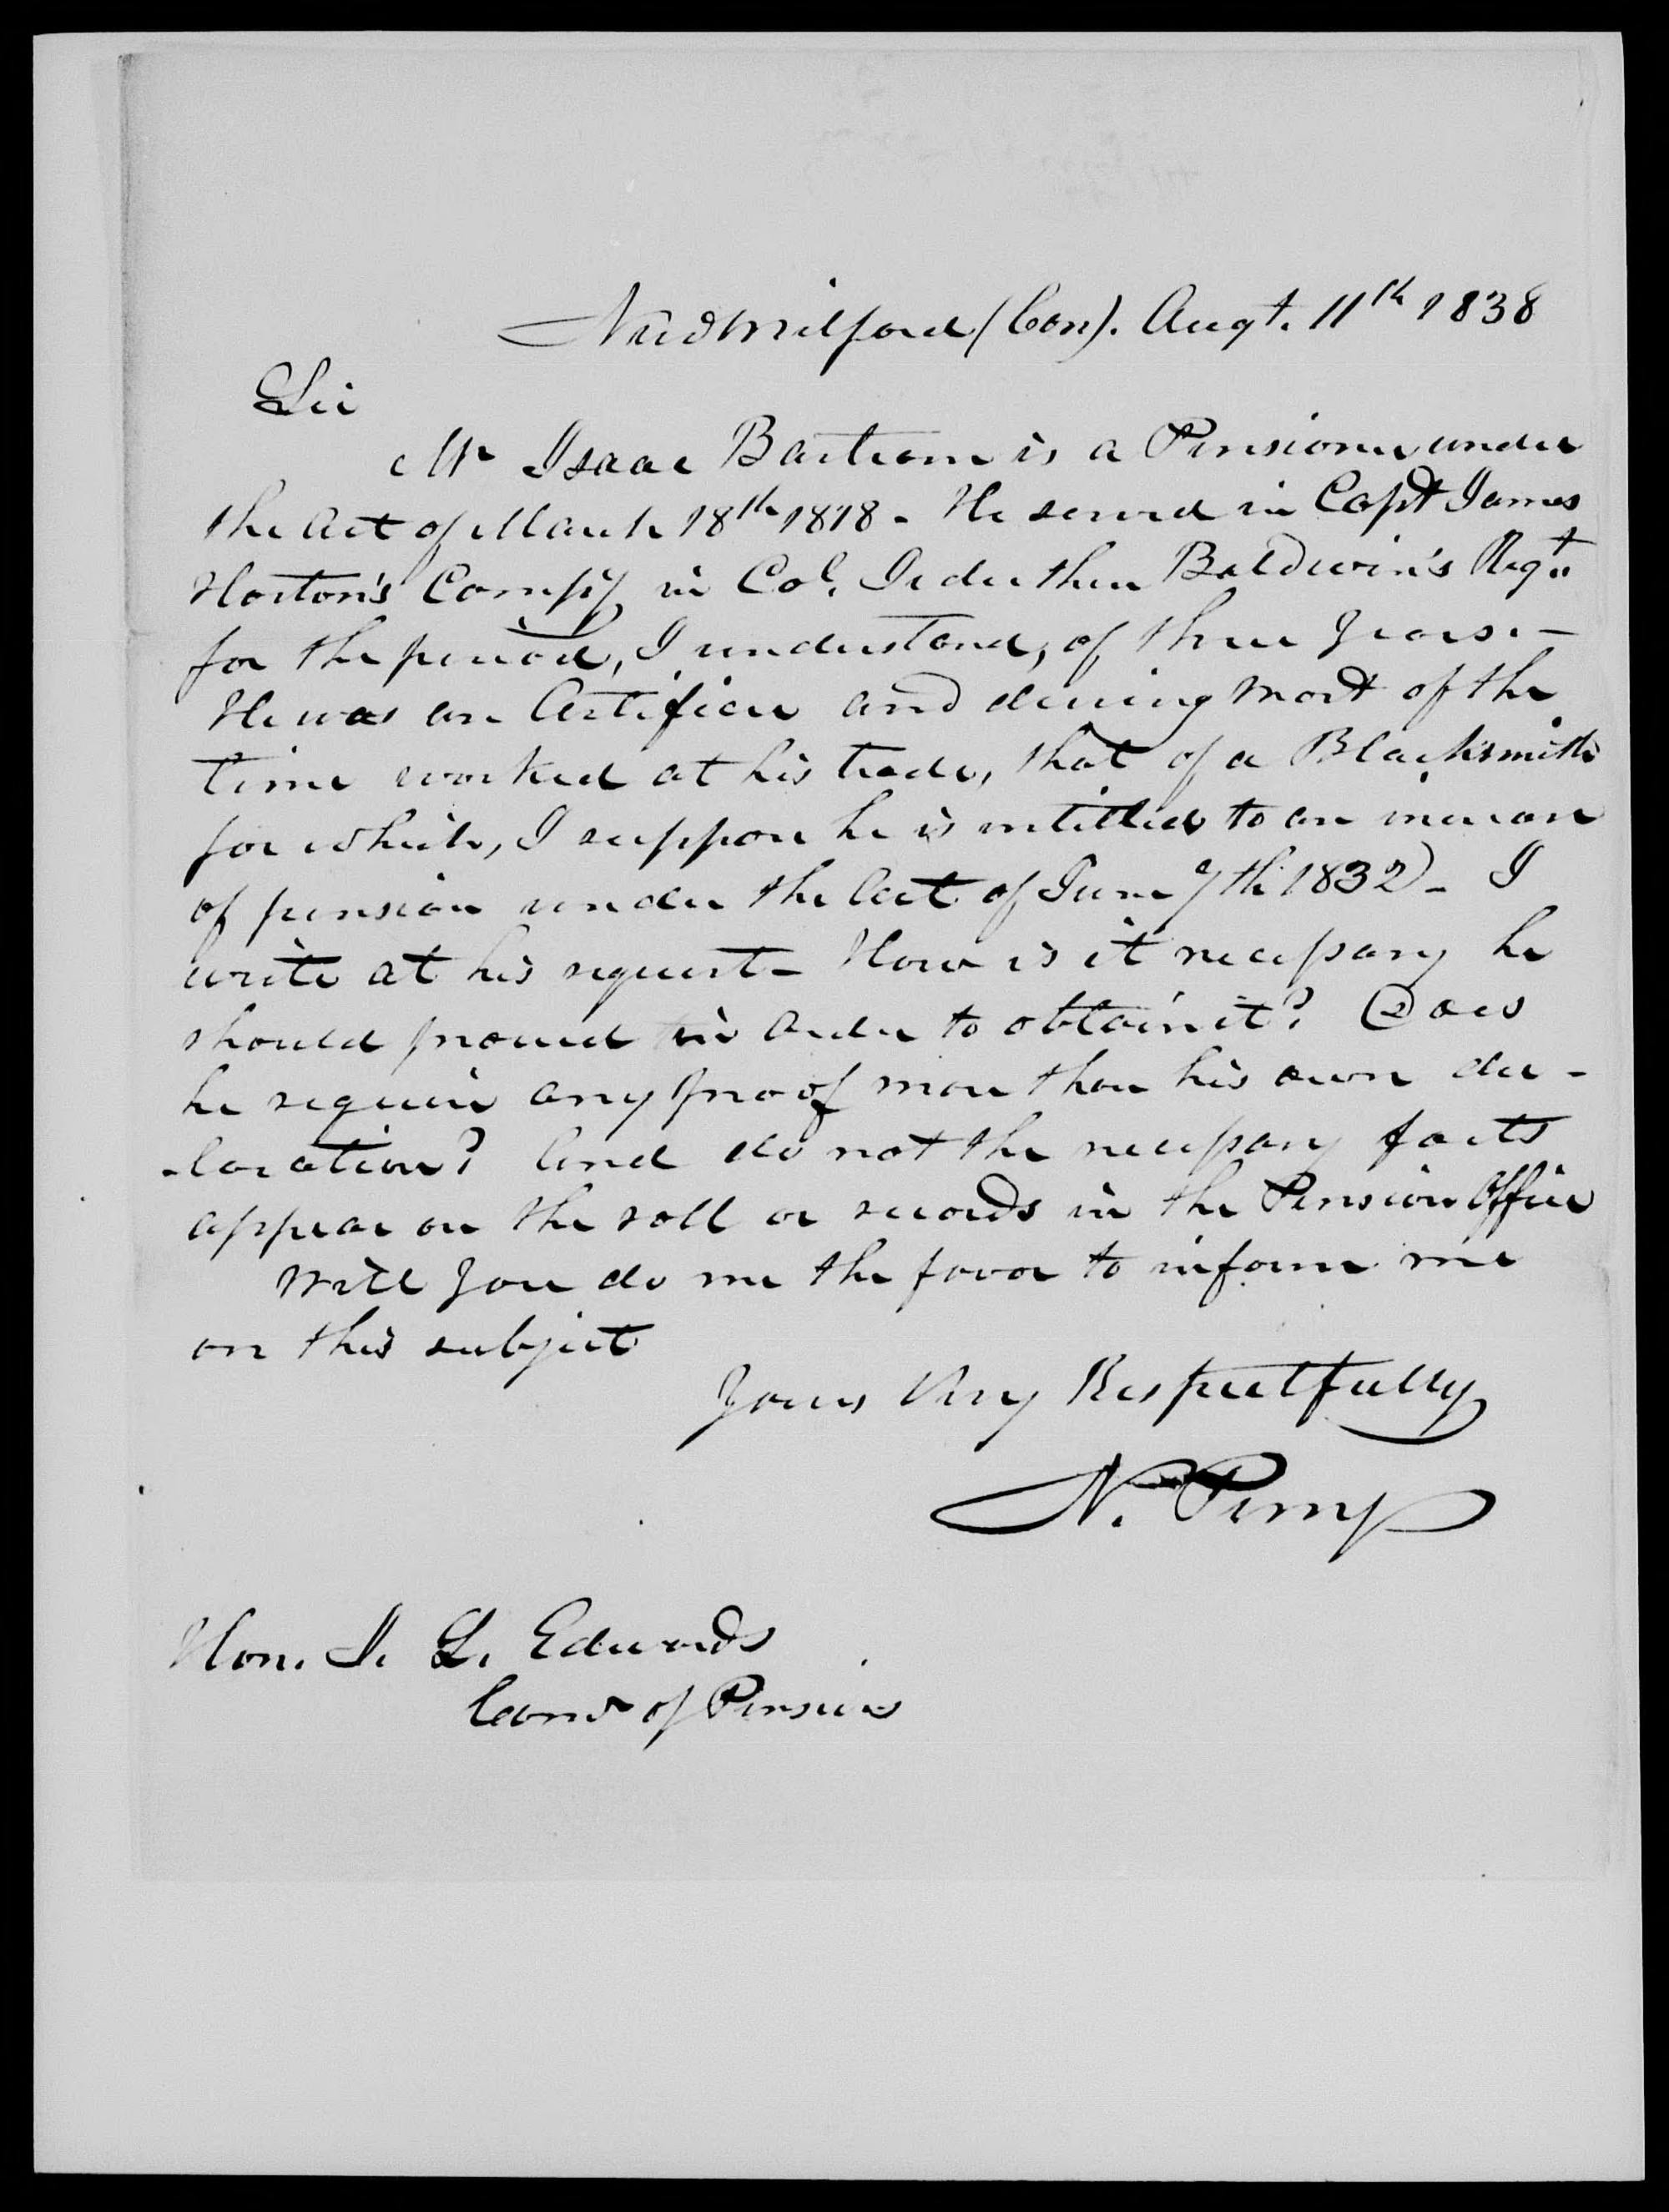New Milford (Con) Augt 11th 1838
Sir
Mr Isaac Bartram is a Pensioner under
the act of March 18th 1818. He served in Capt James
Horton's Compy in Col. Jeduthen Baldwin's Regt
for the period, I understand, of three years.
He was an Artificer and during most of the
time worked at his trade, that of a Blacksmith
for which, I suppose he is entitled to an increase
of pension under the act of June 7th 1832. I
write at his request. How is it necessary he
should proceed in order to obtain it? Does
he require any proof more than his own declaration? 
And do not the necessary facts
appear on the roll or records in the Pension Office
Will you do me the favor to inform me
on this subject

Yours very Respectfully
N. Perry

Hon. J. L. Edwards
Com of Pensions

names: J L Edwards, Isaac Bartram, N Perry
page: 25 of 39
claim: survivor's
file: S. 12110, Isaac Bartram, Continental (Conn)